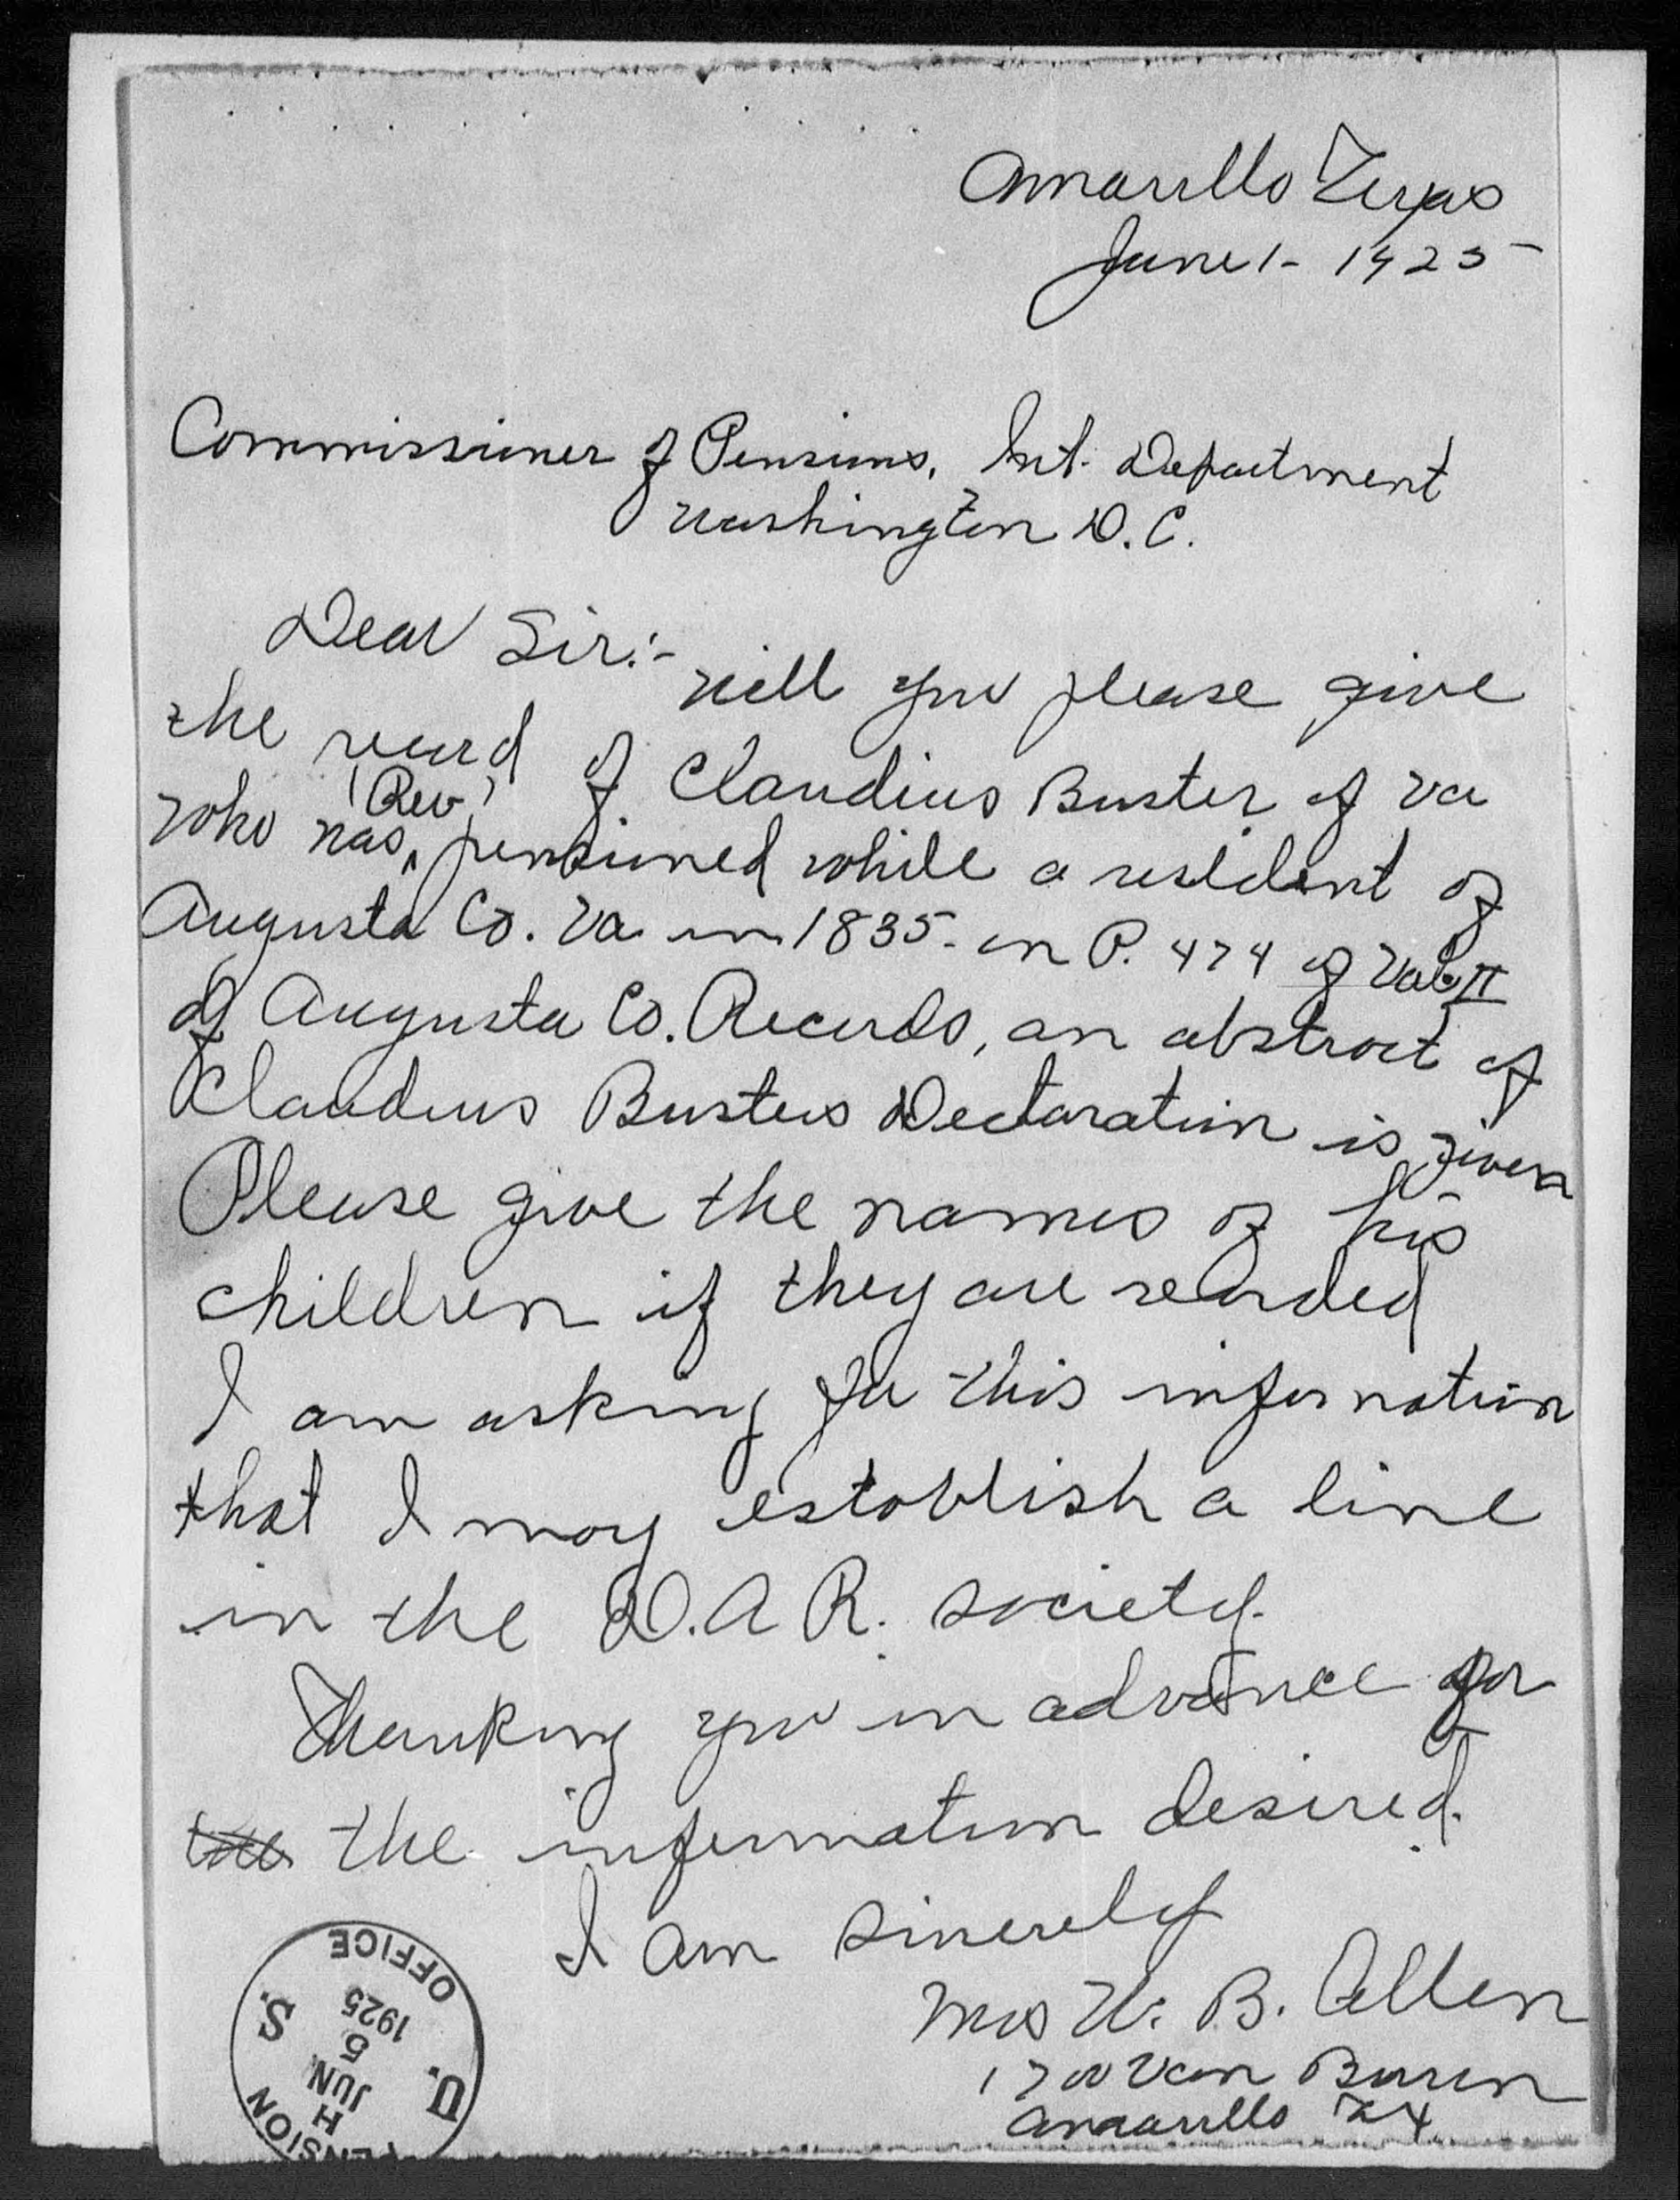Amarillo Texas
June 1- 1925

Commissioner of Pensions,
Int. Department
Washington D. C.

Dear Sir: - 

Will you please give the record of Claudius Buster of Va who was ^(Rev) pensioned while a resident of Augusta Co Va in 1835. in P. 474 of Vol II of Augusta Co. Records, an abstract of Claudius Buster Declaration is given Please give the names of his children if they are recorded I am asking for this information that I may establish a line in the D. A. R. society.

Thanking you in advance for the information desired.

I am sincerely
Mrs W. B. Allen
1700 Van Buren
Amarillo TX

U. S. PENSION OFFICE
H
JUN 5 1925 [ink stamp]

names: W B Allen, Claudius Buster, Claudius Buster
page: 57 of 71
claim: widow's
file: W. 25310, Claudius Buster, Va.